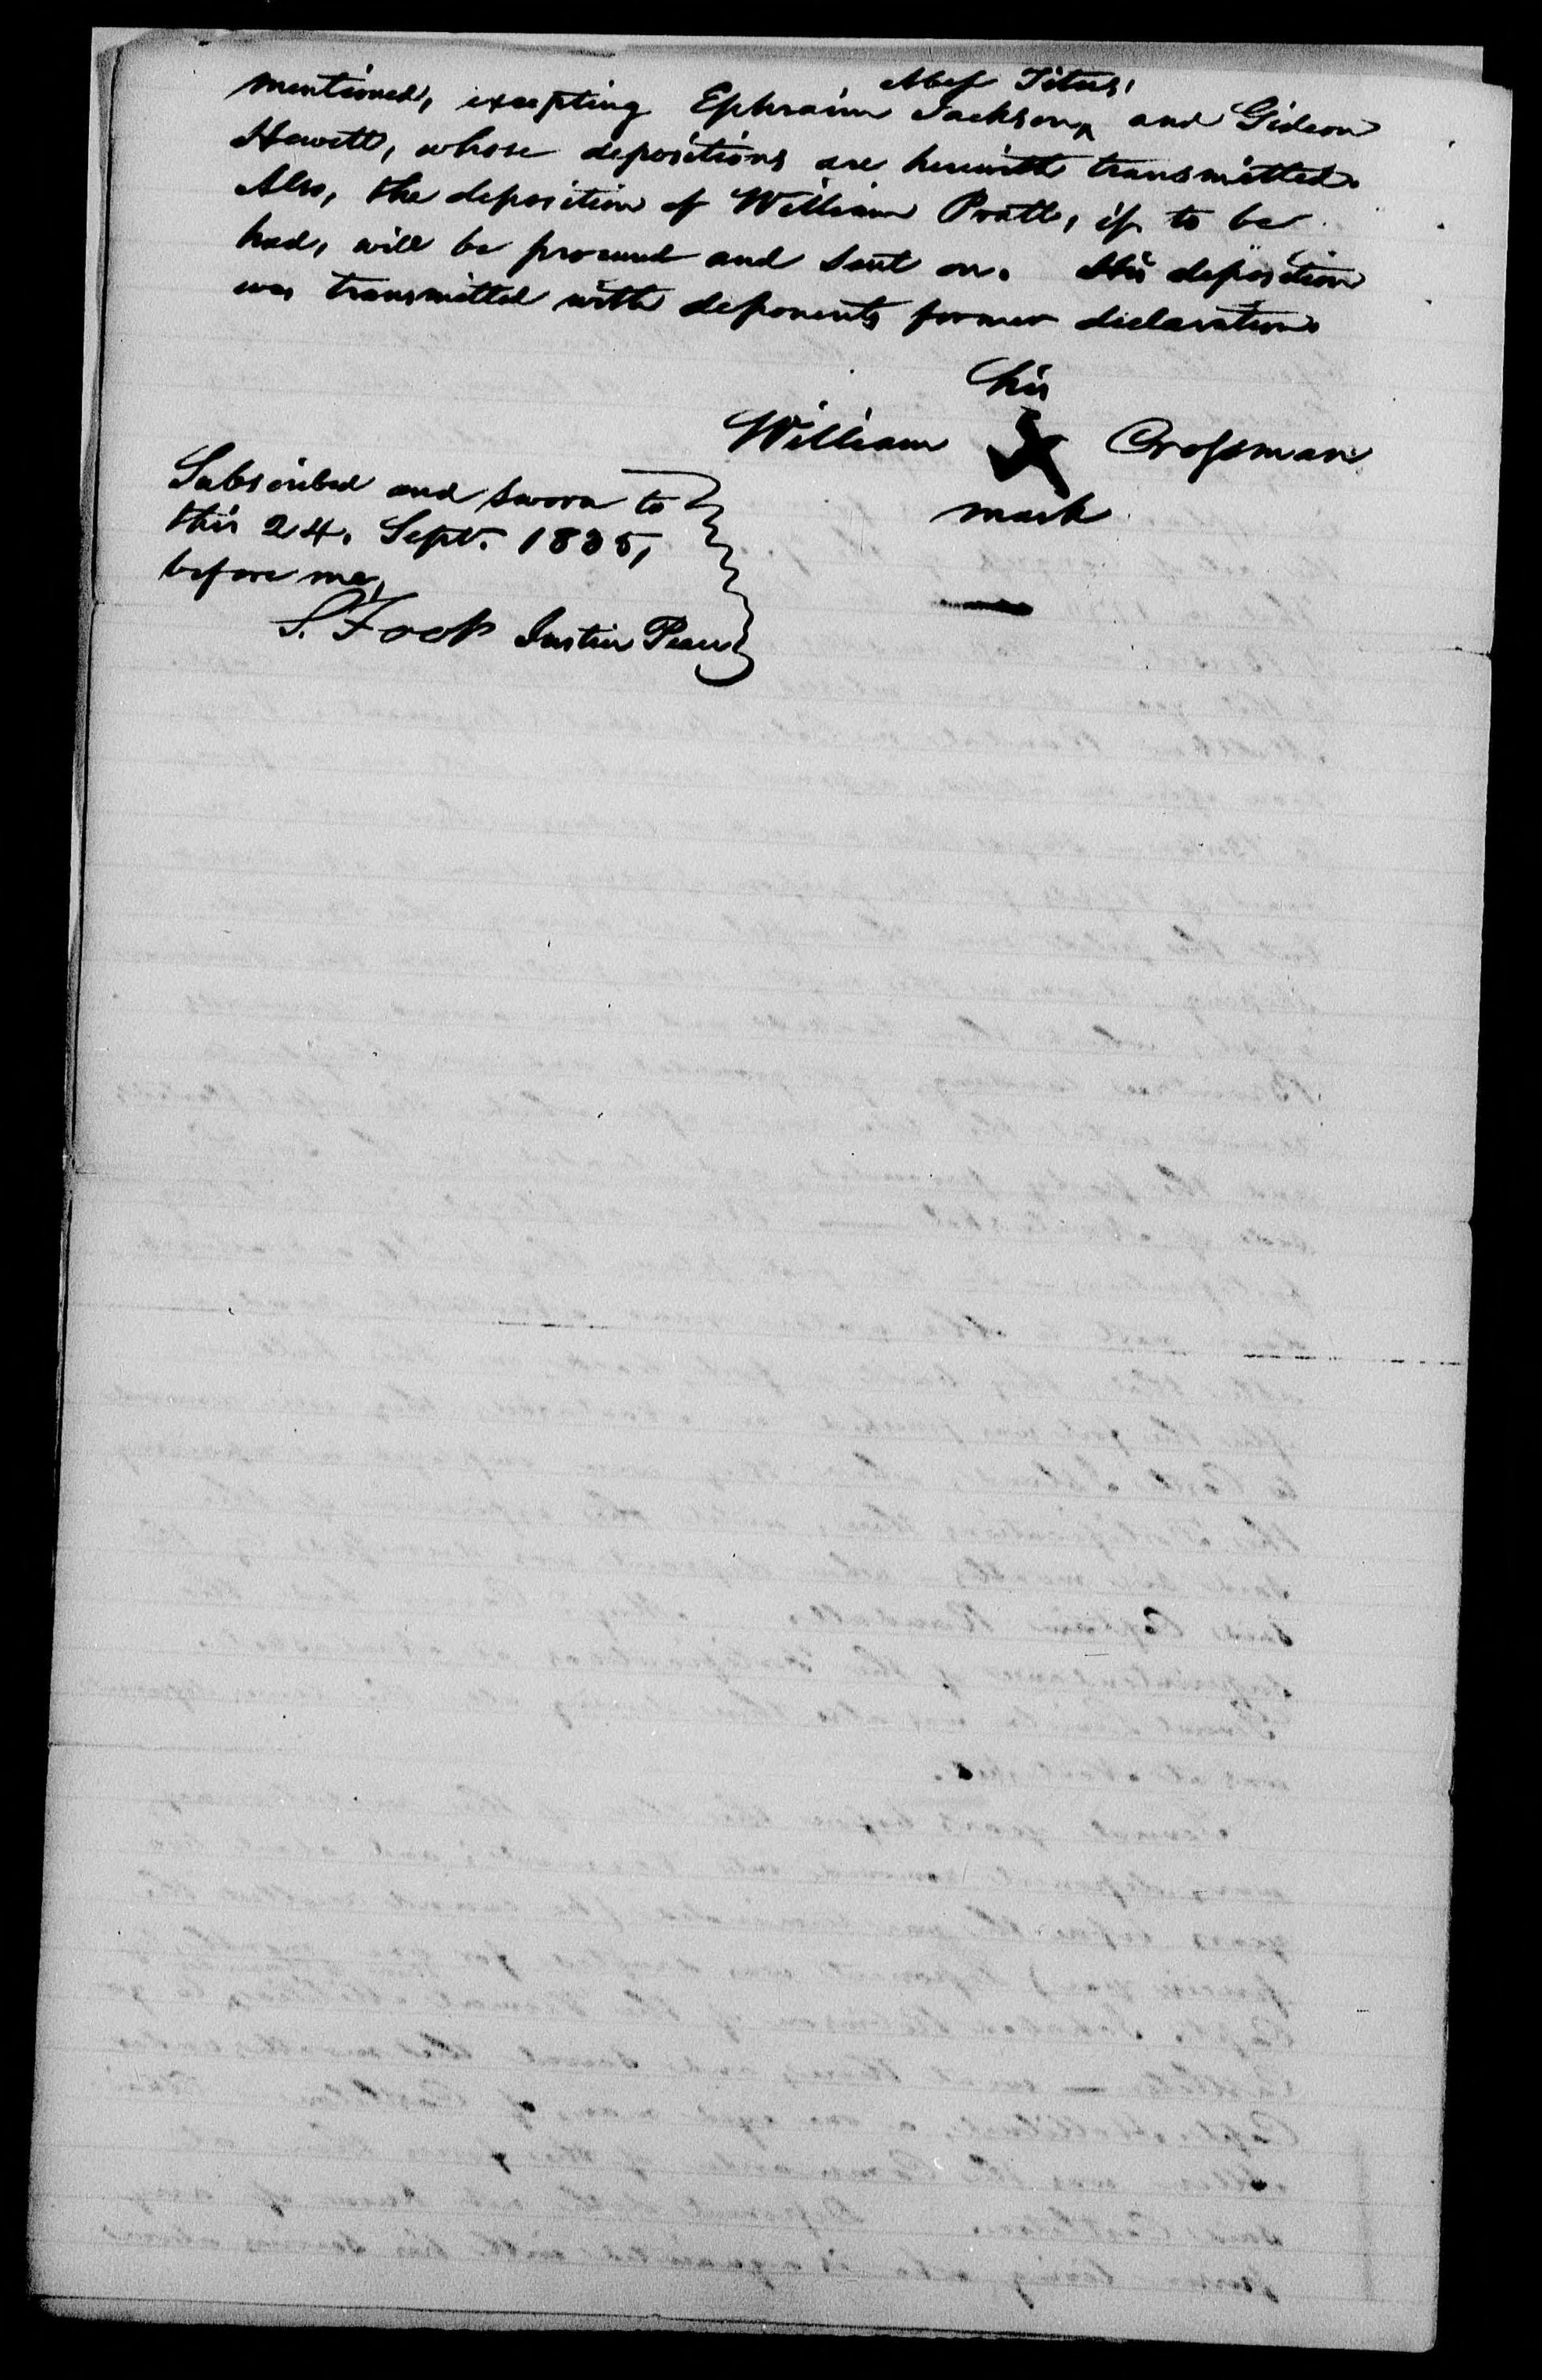mentioned, excepting Ephraim Jackson, Maj Titus, and Gideon Hewett, whose depositions are herewith transmitted. Also, the deposition of William Pratt, if to be had, will be procured and sent on. This deposition was transmitted with deponents former declaration.
/s/X his mark William Crossman

Subscribed and sworn to this 24. Sept. 1835, before me /s/S Foot Justice Peace}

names: Abel Titus, William Crossman, S Foot, Gideon Hewett, William Pratt, Ephraim Jackson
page: 9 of 33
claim: survivor's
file: S. 12632, William Crossman, Mass. Vt.